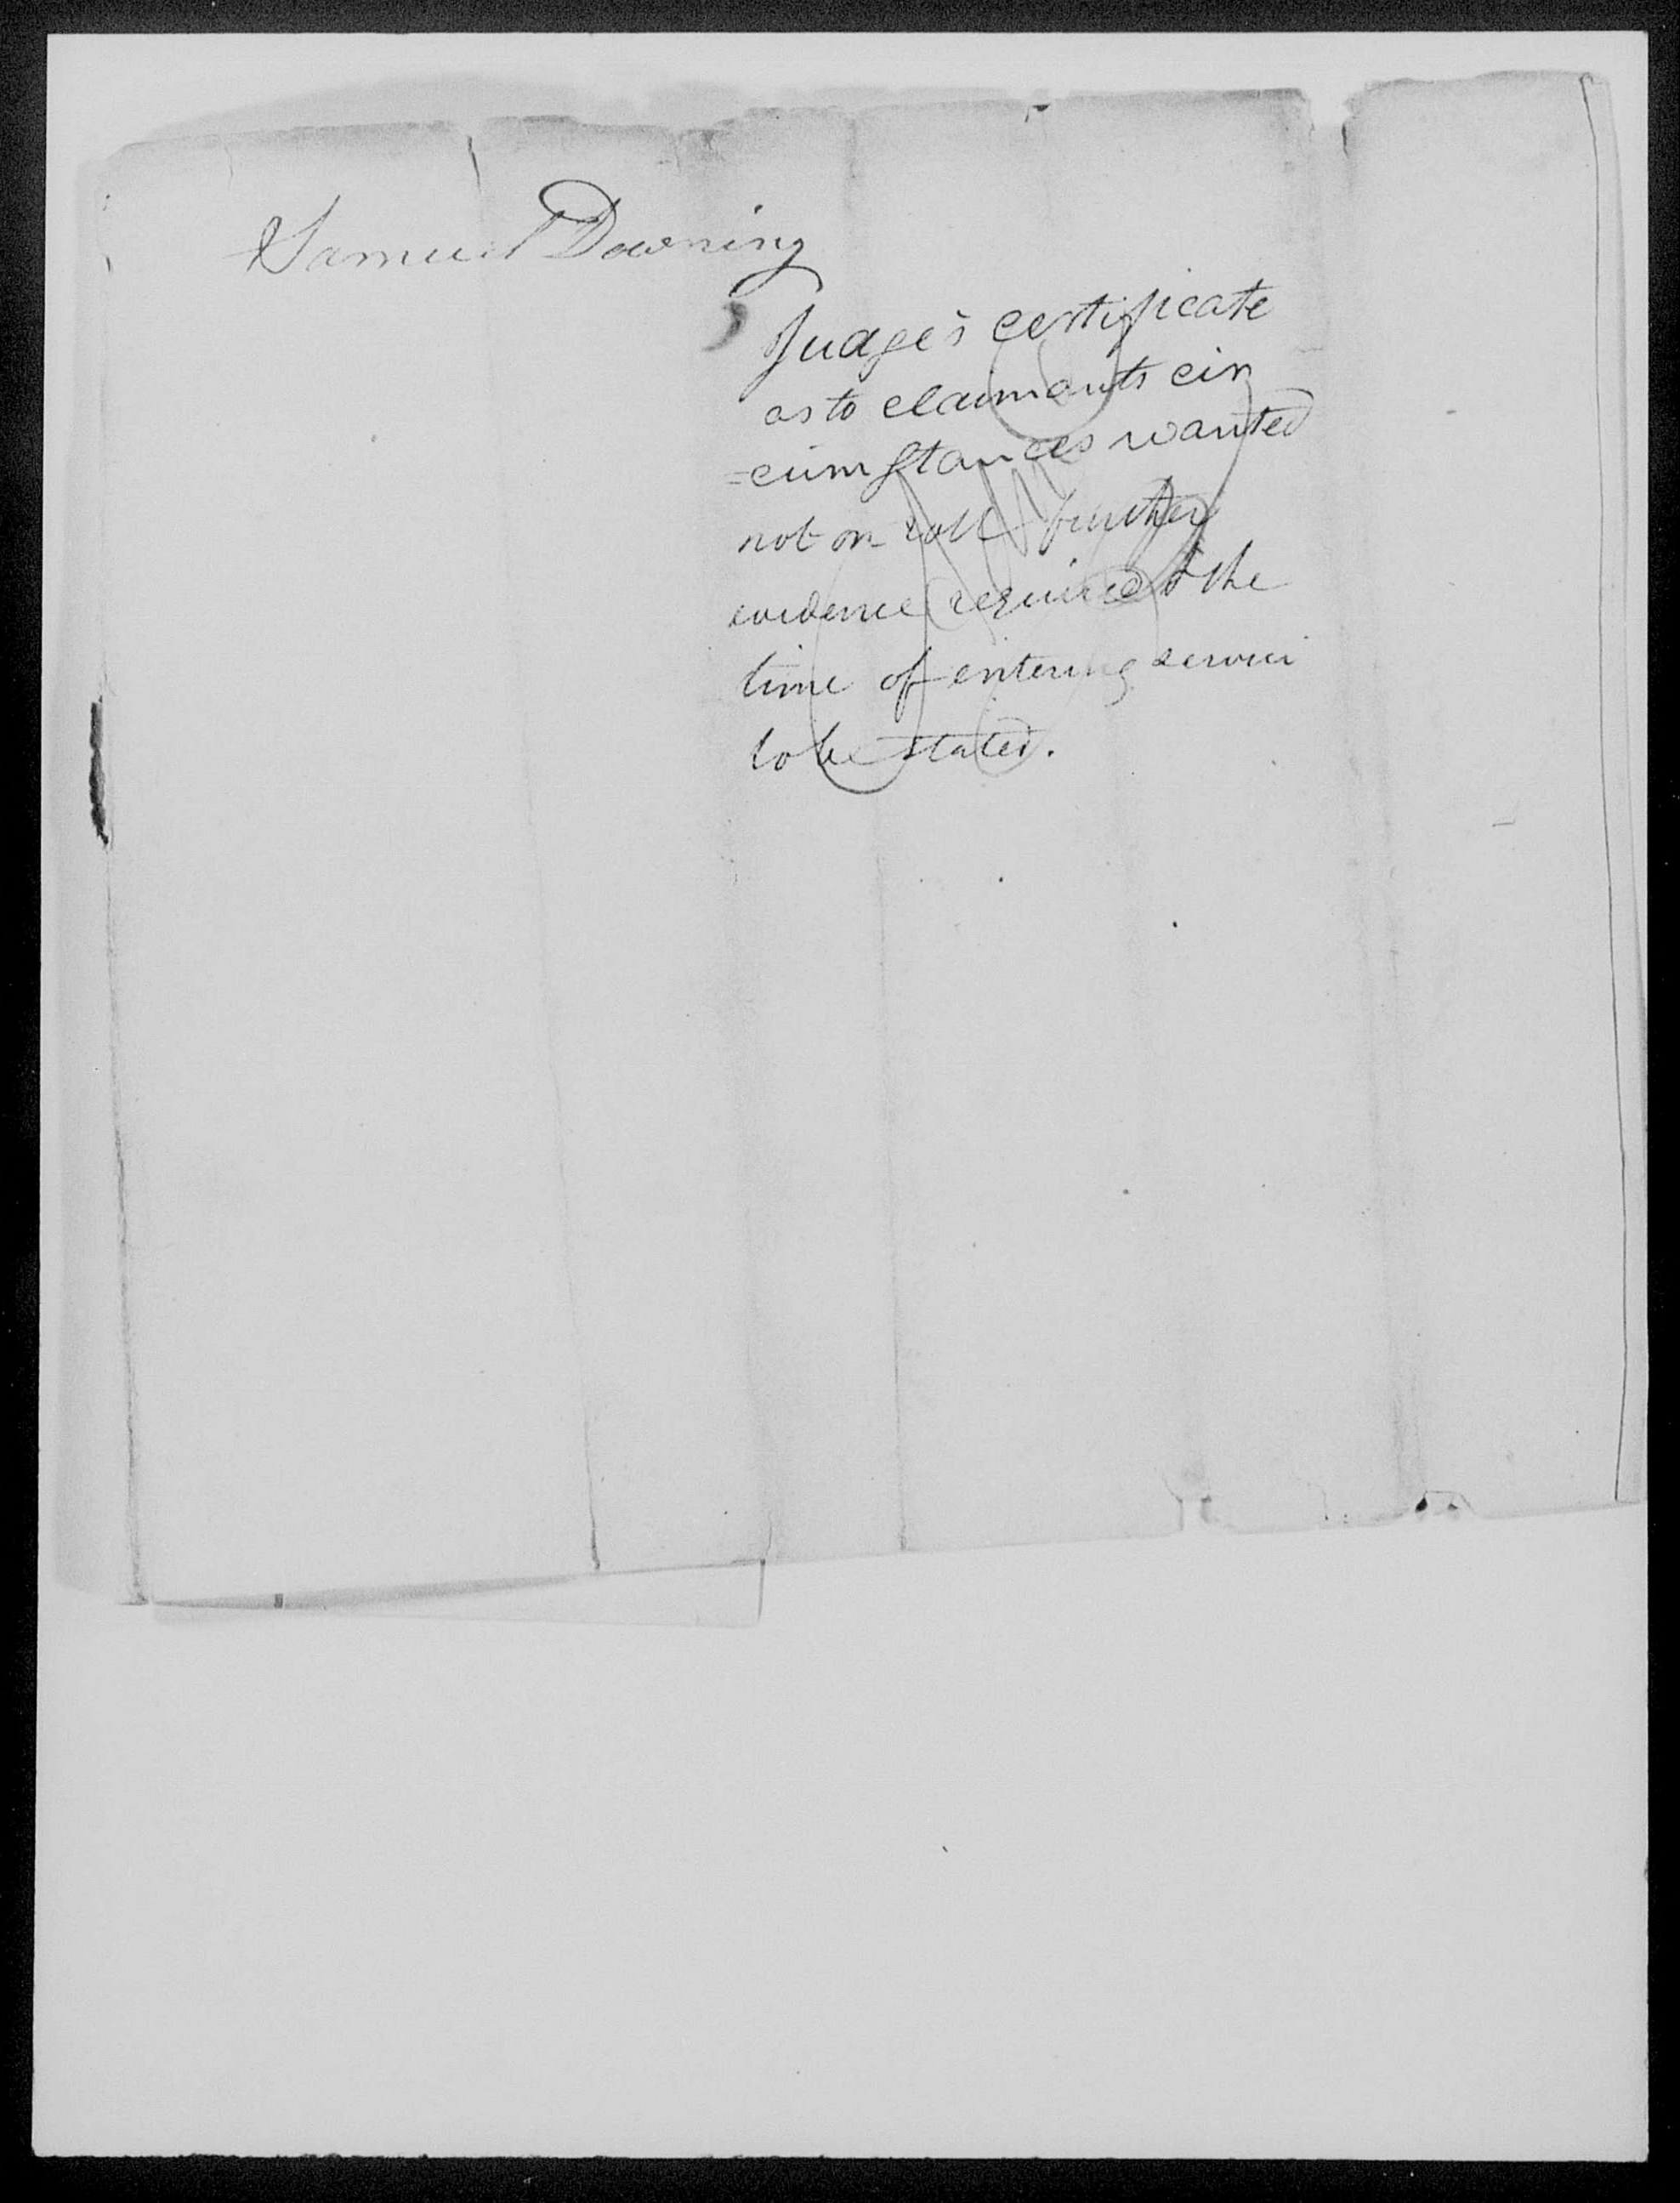Samuel Downing
Judge's certificate
as to claimants circumstances wanted
not on roll further
evidence required & the
time of entering service
to be stated.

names: Samuel Downing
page: 53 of 56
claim: survivor's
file: S. 40,055, Samuel Downing, N.H.